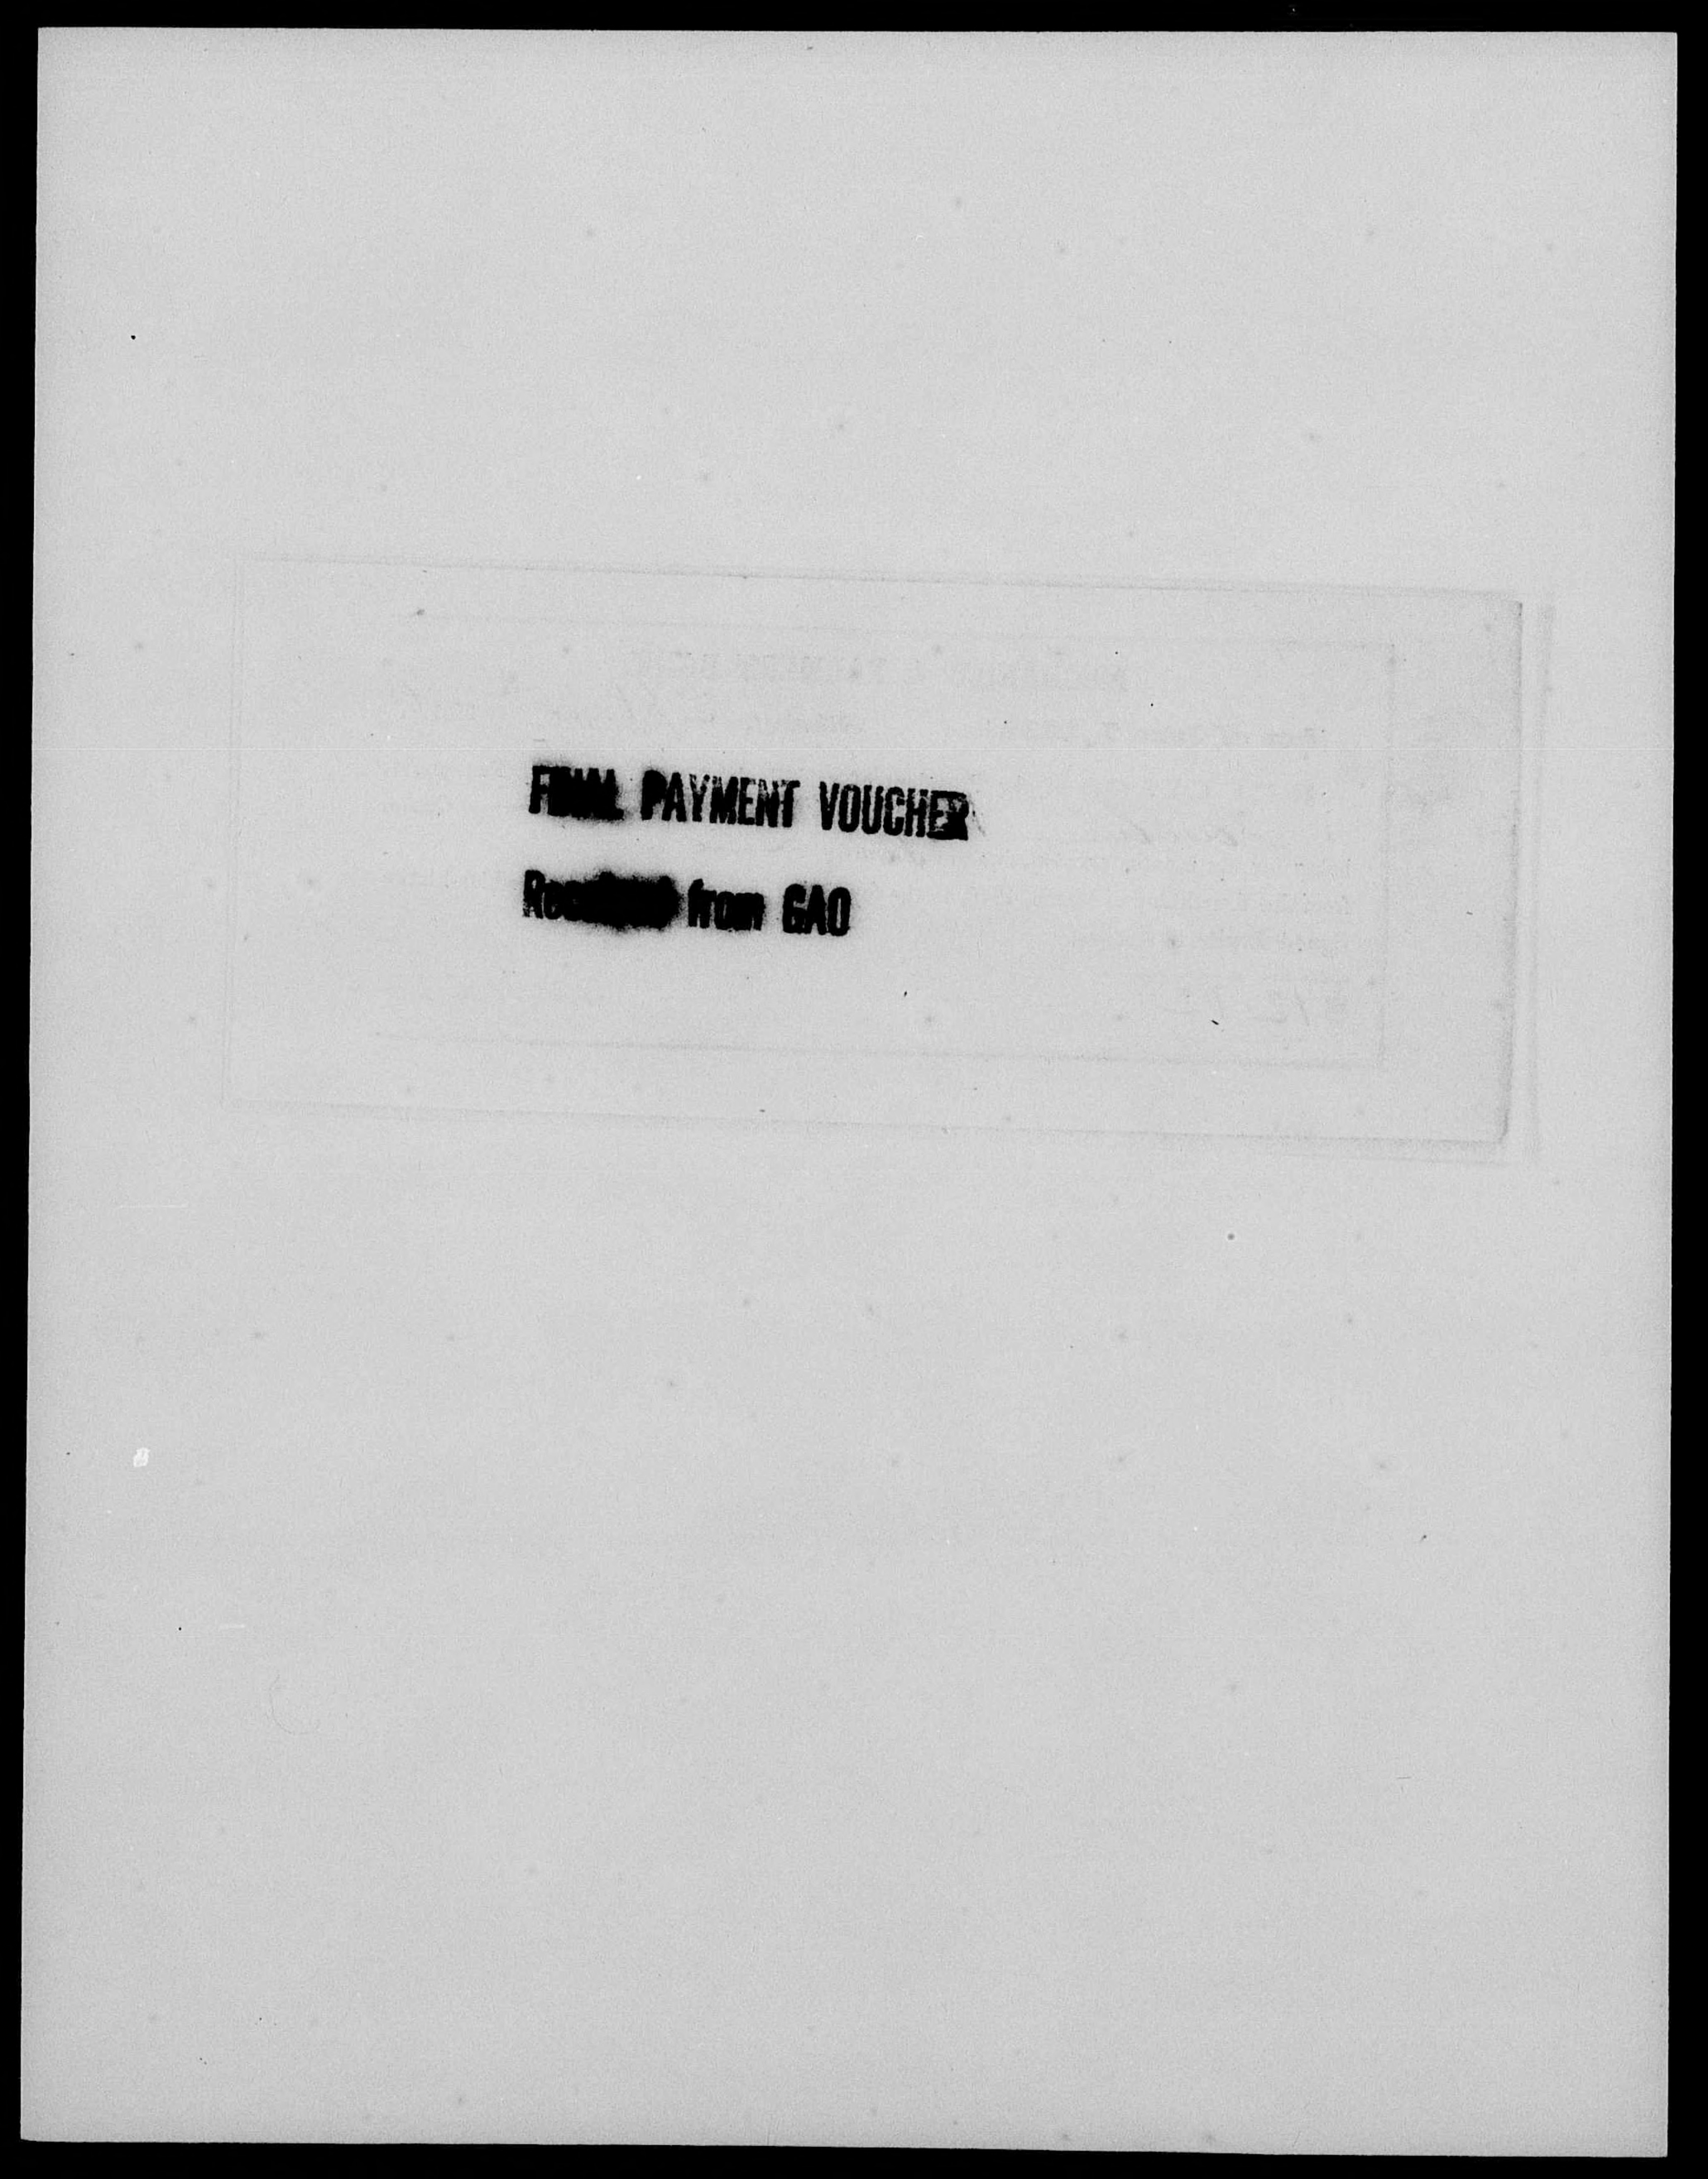[stamped]

FINAL PAYMENT VOUCHER
[illegible] from GAO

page: 45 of 70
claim: rejected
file: R. 6510, for Israel Luce, New York